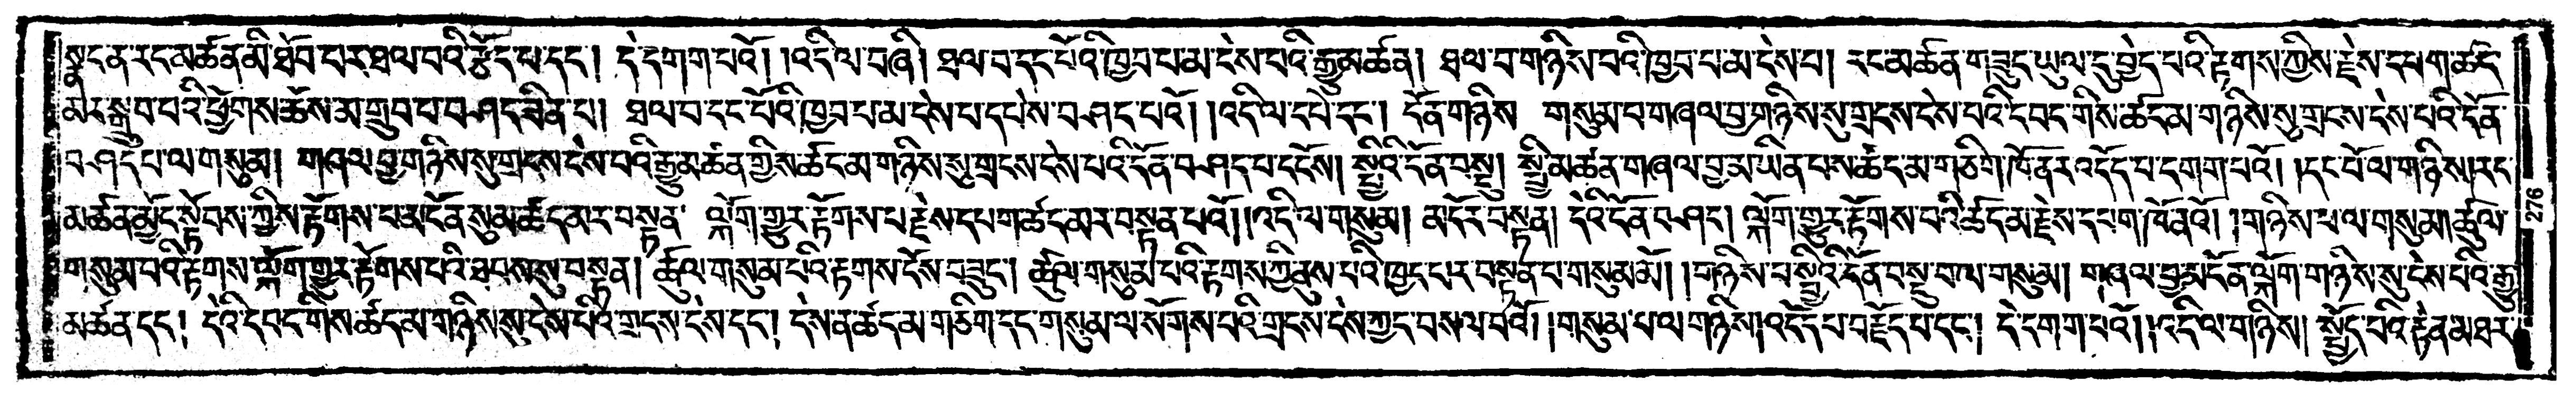སྣང་ན་རང་མཚན་མི་ཐོབ་པར་ཐལ་བའི་རྩོད་པ་དང་། དེ་དགག་པའོ། །འདི་ལ་བཞི། ཐལ་བ་དང་པོའི་ཁྱབ་པ་མ་ངེས་པའི་རྒྱུ་མཚན། ཐལ་བ་གཉིས་པའི་ཁྱབ་པ་མ་ངེས་པ། རང་མཚན་གཟུང་ཡུལ་དུ་བྱེད་པའི་རྟགས་ཀྱིས་རྗེས་དཔག་ཚད་
མར་སྒྲུབ་པའི་ཕྱོགས་ཆོས་མ་གྲུབ་པ་བཤད་ཟིན་པ། ཐལ་བ་དང་པོའི་ཁྱབ་པ་མ་ངེས་པ་དཔེས་བཤད་པའོ། །འདི་ལ་དཔེ་དང་། དོན་གཉིས། གསུམ་པ་གཞལ་བྱ་གཉིས་སུ་གྲངས་ངེས་པའི་དབང་གིས་ཚང་མ་གཉིས་སུ་གྲངས་ངེས་པའི་དོན་
བཤད་པ་ལ་གསུམ། གཞལ་བྱ་གཉིས་སུ་གྲངས་ངེས་པའི་རྒྱུ་མཚན་གྱིས་ཚད་མ་གཉིས་སུ་གྲངས་ངེས་པའི་དོན་བཤད་པ་དངོས། སྤྱིའི་དོན་བསྡུ། སྤྱི་མཚན་གཞལ་བྱ་མ་ཡིན་པས་ཚད་མ་གཅིག་ཁོ་ནར་འདོད་པ་དགག་པའོ། །དང་པོ་ལ་གཉིས། རང་
མཚན་མྱོང་སྟོབས་ཀྱིས་རྟོགས་པ་མངོན་སུམ་ཚད་མར་བསྟན། ལྐོག་གྱུར་རྟོགས་པ་རྗེས་དཔག་ཚད་མར་བསྟན་པའོ། །འདི་ལ་གསུམ། མདོར་བསྟན། དེའི་དོན་བཤད། ལྐོག་གྱུར་རྟོགས་པའི་ཚད་མ་རྗེས་དཔག་ཁོ་ནའོ། །གཉིས་པ་ལ་གསུམ། ཚུལ་
གསུམ་པའི་རྟགས་ལྐོག་གྱུར་རྟོགས་པའི་ཐབས་སུ་བསྟན། ཚུལ་གསུམ་པའི་རྟགས་ངོས་བཟུང་། ཚུལ་གསུམ་པའི་རྟགས་ཀྱི་ནུས་པའི་ཁྱད་པར་བསྟན་པ་གསུམ་མོ། །གཉིས་པ་སྤྱིའི་དོན་བསྡུ་བ་ལ་གསུམ། གཞལ་བྱ་མངོན་ལྐོག་གཉིས་སུ་ངེས་པའི་རྒྱུ་
མཚན་དང་། དེའི་དབང་གིས་ཚད་མ་གཉིས་སུ་ངེས་པའི་གྲངས་ངེས་དང་། དེས་ན་ཚད་མ་གཅིག་དང་གསུམ་ལ་སོགས་པའི་གྲངས་ངེས་ཀྱང་བསལ་བའོ། །གསུམ་པ་ལ་གཉིས། འདོད་པ་བརྗོད་པ་དང་། དེ་དགག་པའོ། །འདི་ལ་གཉིས། སྤྱོད་པའི་རྟེན་མཐར་